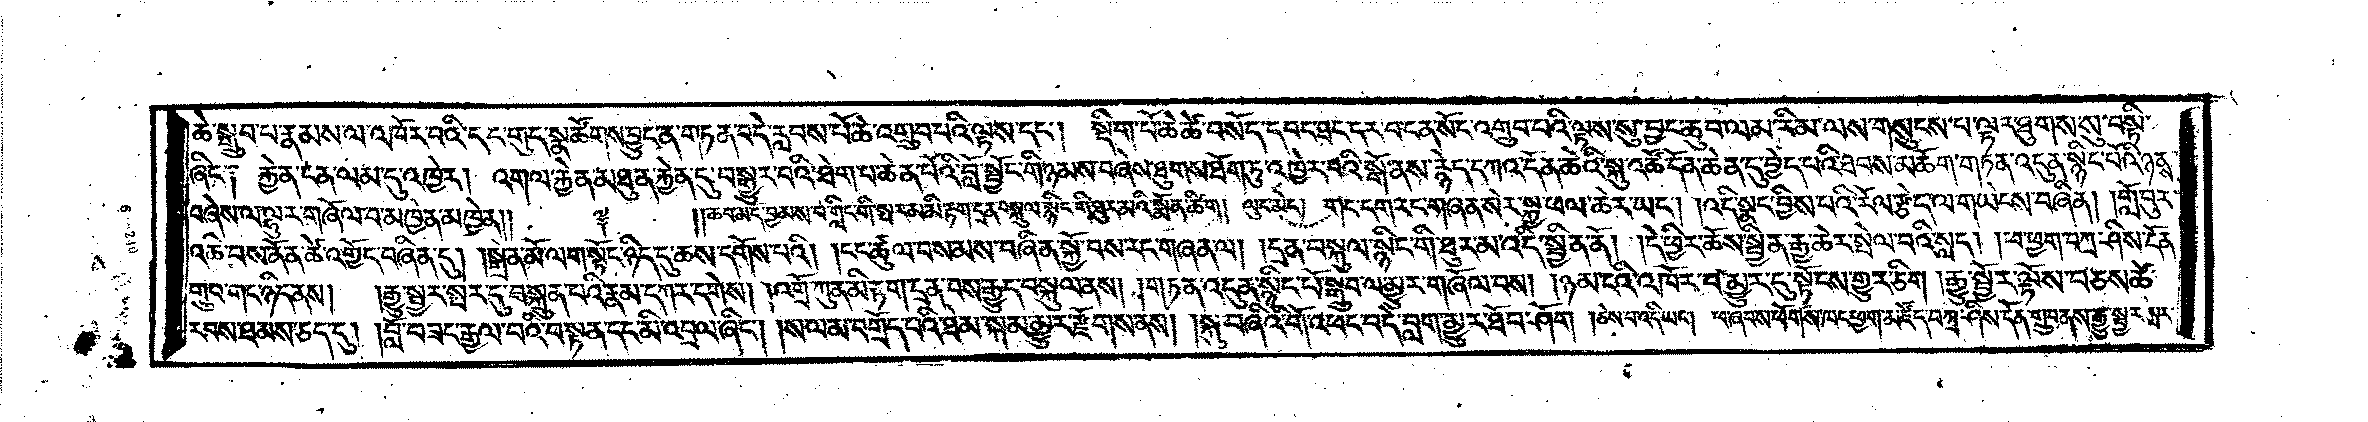ཆེ་སྒྲུབ་སྒྲུབ་པ་རྣམས་ལ་འཁོར་བའི་དང་གུད་སྣ་ཚོགས་བྱུང་ན་གཏན་བདེ་རླབས་པོ་ཆེ་འགྲུབ་པའི་ལྷས་དང་། སྡིག་པོ་ཆེ་ཚེ་བས་བསོད་དང་དབང་ཐང་དར་བ་ངན་སོང་འགྲུབ་བའི་ལྟས་སུ་བྱང་ཆུབ་ལམ་རིམ་ལས་གསུངས་པ་ལྟར་ཐུགས་སུ་བསྟི་
ཞིང༑ རྐྱེན་ངན་ལམ་དུ་འཁྱེར། འགལ་རྐྱེན་མཐུན་རྐྱེན་དུ་བསྒྱུར་པའི་ཐེག་པ་ཆེན་པོའི་བློ་སྦྱོང་གི་ཉམས་བཞེས་ཐུགས་ཐོག་ཏུ་འཁྱེར་བའི་སྒོ་ནས་རྙེད་དཀའ་དོན་ཆེའི་སྐུ་འཚོ་དོན་ཆེན་དུ་བྱེད་བའི་ཐབས་མཆོག་གཏན་འདུན་སྙིང་པོའི་ཉམས་
བཞེས་ལ་ལྷུར་གཞོལ་བ་མཁྱེན་མཁྱེན།། ༈ །།ཆབ་མདོ་བྱམས་བ་གླིང་གི་སྤར་མ་མི་རྟག་དྲན་བསྐྲུན་སྙིང་གི་ཐུར་མའི་སྨོན་ཚིག །  གང་དག་རང་གཞན་སེར་སྐྱ་ཕལ་ཆེར་ཡང་། ལུང་མེད།  །འདི་སྣང་བྱིས་པའི་རིལ་རྩེད་ལ་གཡེངས་བཞིན། །གློ་བུར་
འཆི་བས་ནོན་ཚེ་འགྱོད་བཞིན་དུ། །སྒྲོན་མོ་ལག་སྟོང་ཉིད་དུ་ཆས་དགོས་པའི། །ངང་ཚུལ་བསམས་བཞིན་སྐྱོ་བས་རང་གཞན་ལ། །དྲན་བསྐུལ་སྙིང་གི་ཐུར་མ་འདི་སྦྱིན་ནོ། །དེ་ཕྱིར་ཆོས་སྦྱིན་རྒྱ་ཆེར་སྤེལ་བའི་སླད། །ཕ་ཕྱག་བཀྲ་ཤིས་དོན་
གྲུབ་གང་ཉིད་ནས། །རྒྱུ་སྦྱར་སྤར་དུ་བསྐྲུན་པའི་རྣམ་དཀར་དགེས། །འགྲོ་ཀུན་མི་རྟག་དྲན་བས་རྒྱུད་བསྐུལ་ནས། །གཏན་འདུན་སྙིང་པོ་སྒྲུབ་ལ་མྱུར་གཞོལ་པས། །ཉམ་ངའི་འཁོར་བ་མྱུར་དུ་སྟོབས་གྱུར་ཅིག །རྒྱུ་སྦྱོར་ལྟོས་བཅས་ཚེ་
རབས་ཐམས་ཅད་དུ། །བློ་བཟང་རྒྱལ་བའི་བསྟན་དང་མི་འབྲལ་ཞིང་། །ས་ལམ་བགྲོད་བའི་ཐེམ་སྐམ་མྱུར་རྫོགས་ནས། །སྐུ་བཞིའི་གོ་འཕང་བདེ་བླག་མྱུར་ཐོབ་ཤོག །ཅེས་པ་འདི་ཡང་། ཕ་ཞབས་ཕྱོགས་ཁང་ཕྱག་མཛོད་བཀྲ་ཤིས་དོན་གྲུབ་ནས་རྒྱུ་སྦྱར་སྲར་